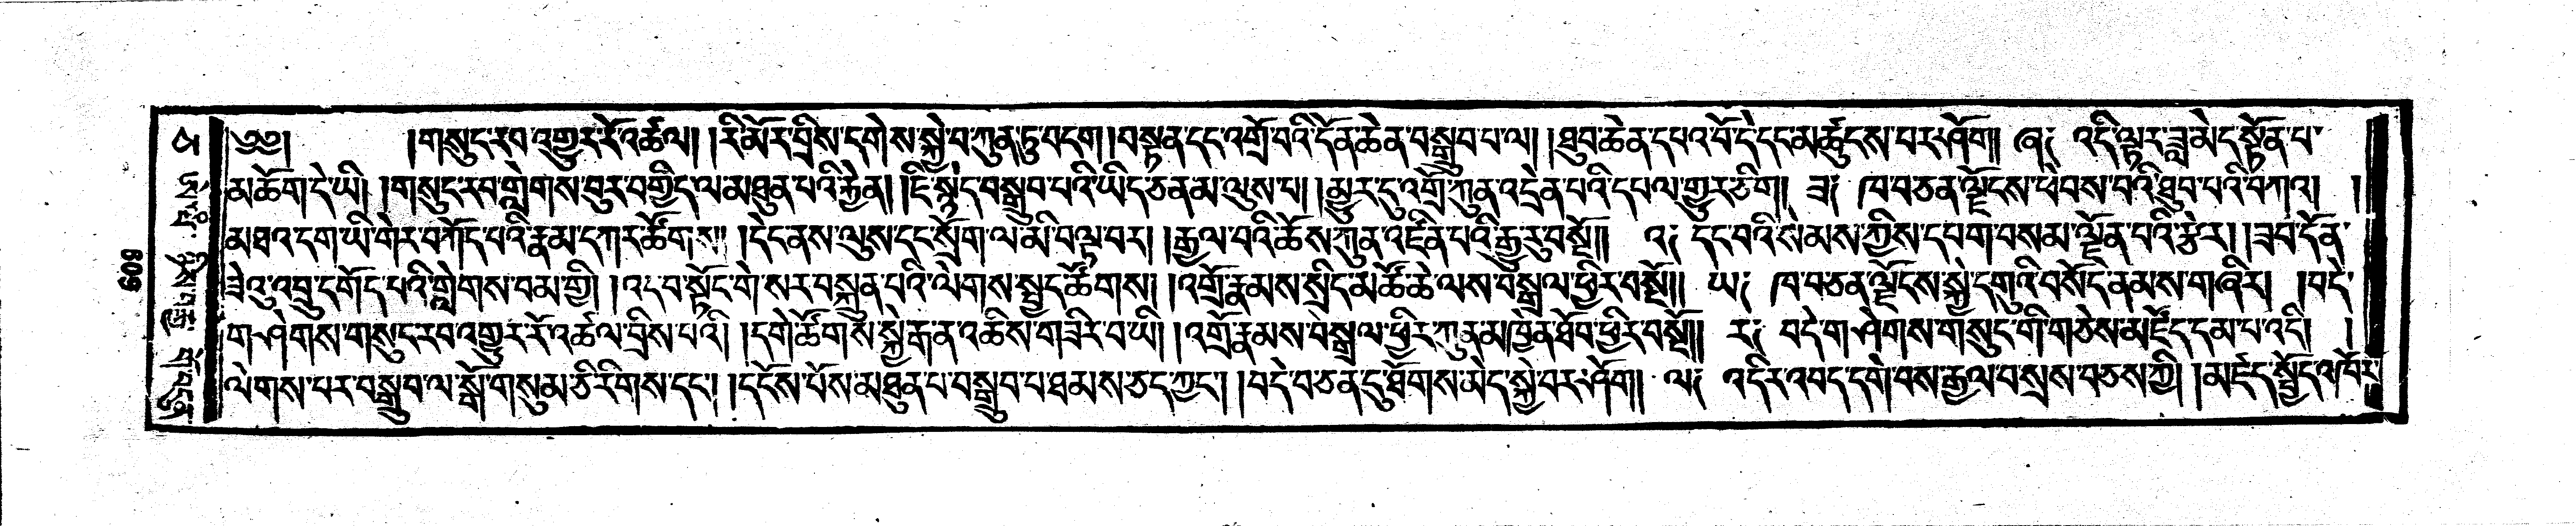༄༅། །གསུང་རབ་འགྱུར་རོ་འཚལ། །རི་མོར་བྲིས་དགེས་སྐྱེ་བ་ཀུན་ཏུ་བདག །བསྟན་དང་འགྲོ་བའི་དོན་ཆེན་བསྒྲུབ་པ་ལ། །ཐུབ་ཆེན་དཔའ་བོ་དེ་དང་མཚུངས་པར་ཤོག །ཞ༑ འདི་ལྟར་ཟླ་མེད་སྟོན་པ་
མཆོག་དེ་ཡི། །གསུང་རབ་གླེགས་བུར་བགྱིད་ལ་མཐུན་པའི་རྐྱེན། །ཇི་སྙེད་བསྒྲུབ་པའི་ཡིད་ཅན་མ་ལུས་པ། །མྱུར་དུ་འགྲོ་ཀུན་འདྲེན་པའི་དཔལ་གྱུར་ཅིག །ཟ༑ ཁ་བ་ཅན་ལྗོངས་ཕེབས་པའི་ཐུབ་པའི་བཀའ། །
མཐའ་དག་ཡི་གེར་བཀོད་པའི་རྣམ་དཀར་ཚོགས། །དེང་ནས་ལུས་དང་སྲོག་ལ་མི་བལྟ་བར། །རྒྱལ་བའི་ཆོས་ཀུན་འཛིན་པའི་རྒྱུ་རུ་བསྔོ།། འ༑ དང་བའི་སེམས་ཀྱིས་དཔག་བསམ་ལྗོན་པའི་རྩེར། །ཟབ་དོན་
ཟེའུ་འབྲུ་དགོད་པའི་གླེགས་བམ་གྱི། །འདབ་སྟོང་གེ་སར་བསྐྲུན་པའི་ལེགས་སྤྱད་ཚོགས། །འགྲོ་རྣམས་སྲིད་མཚོ་ཆེ་ལས་བསྒྲལ་ཕྱིར་བསྔོ།། ཡ༑ ཁ་བ་ཅན་ལྗོངས་སྐྱེ་དགུའི་བསོད་ནམས་གཞིར། །བདེ་
གཤེགས་གསུང་རབ་འགྱུར་རོ་འཚལ་བྲིས་པའི། །དགེ་ཚོགས་སྐྱེ་རྒ་ན་འཆིས་གཟིར་བ་ཡི། །འགྲོ་རྣམས་བསྒྲལ་ཕྱིར་ཀུན་མཁྱེན་ཐོབ་ཕྱིར་བསྔོ།། ར༑ བདེ་གཤེགས་གསུང་གི་གཅེས་མཛོད་དམ་པ་འདི། །
ལེགས་པར་བསྒྲུབ་ལ་སྒོ་གསུམ་ཅི་རིགས་དང་། །དངོས་པོས་མཐུན་པ་བསྒྲུབ་པ་ཐམས་ཅད་ཀྱང་། །བདེ་བ་ཅན་དུ་ཐོགས་མེད་སྐྱེ་བར་ཤོག །ལ༑ འདིར་འབད་དགེ་བས་རྒྱལ་བ་སྲས་བཅས་ཀྱི། །མཛད་སྤྱོད་འཁོར་